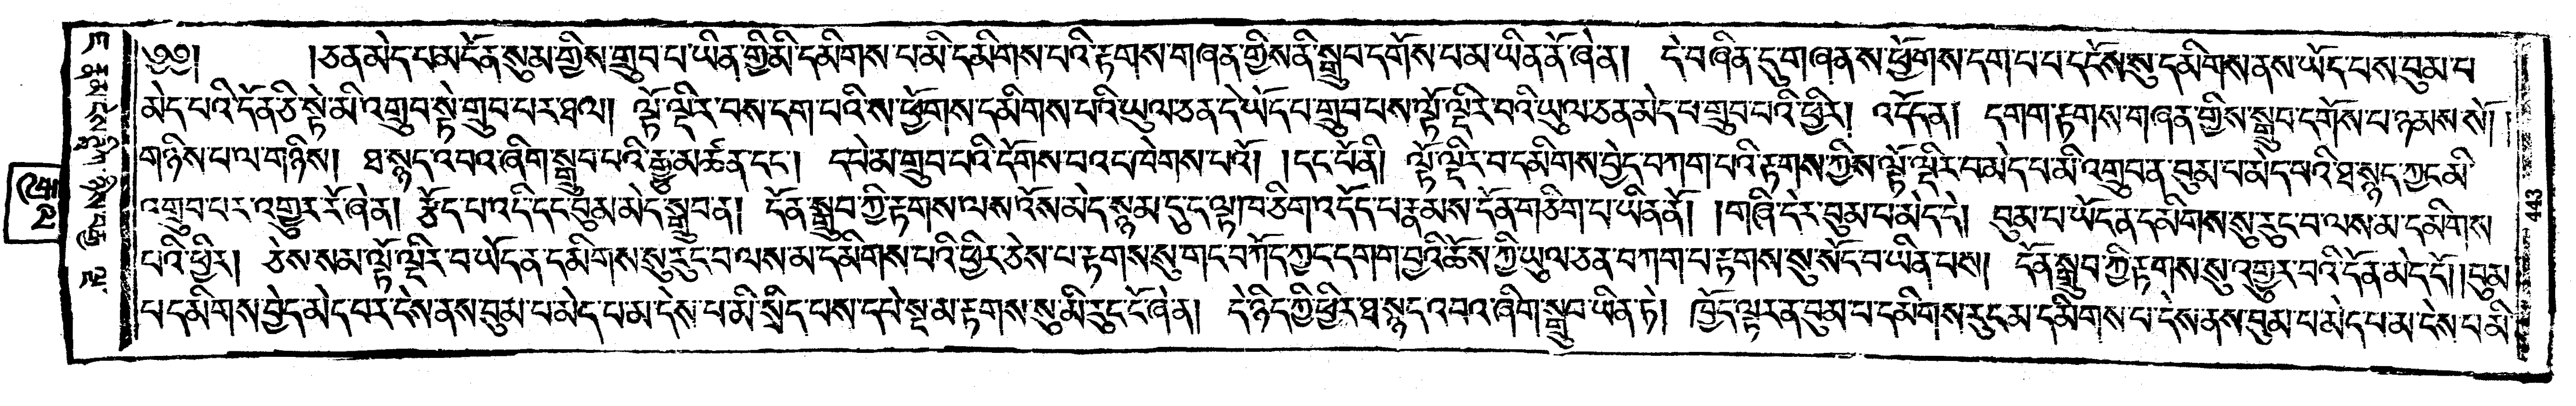༄༅། །ཅན་མེད་པ་མངོན་སུམ་གྱིས་གྲུབ་པ་ཡིན་གྱི་མི་དམིགས་པ་མི་དམིགས་པའི་རྟགས་གཞན་གྱིས་ནི་སྒྲུབ་དགོས་པ་མ་ཡིན་ནོ་ཞེ་ན། དེ་བཞིན་དུ་གཞན་ས་ཕྱོགས་དག་པ་པ་དངོས་སུ་དམིགས་ནས་ཡོད་པས་བུམ་པ་
མེད་པའི་དོན་ཅི་སྟེ་མི་འགྲུབ་སྟེ་གྲུབ་པར་ཐལ། ལྟོ་ལྡིར་བས་དག་པའི་ས་ཕྱོགས་དམིགས་པའི་ཡུལ་ཅན་དེ་ཡོད་པ་གྲུབ་པས་ལྟོ་ལྡིར་བའི་ཡུལ་ཅན་མེད་པ་གྲུབ་པའི་ཕྱིར། འདོད་ན། དགག་རྟགས་གཞན་གྱིས་སྒྲུབ་དགོས་པ་ཉམས་སོ། །
གཉིས་པ་ལ་གཉིས། ཐ་སྙད་འབའ་ཞིག་སྒྲུབ་པའི་རྒྱུ་མཚན་དང་། དཔེ་མ་གྲུབ་པའི་དོགས་པའང་ཁེགས་པའོ། །དང་པོ་ནི། ལྟོ་ལྡིར་བ་དམིགས་བྱེད་བཀག་པའི་རྟགས་ཀྱིས་ལྟོ་ལྡིར་བ་མེད་པ་མི་འགྲུབ་ན་བུམ་པ་མེད་པའི་ཐ་སྙད་ཀྱང་མི་
འགྲུབ་པར་འགྱུར་རོ་ཞེ་ན། རྩོད་པ་འདི་དང་བུམ་མེད་སྒྲུབ་ན། དོན་སྒྲུབ་ཀྱི་རྟགས་ལས་འོས་མེད་སྙམ་དུ་ད་ལྟ་ཁ་ཅིག་འདོད་པ་རྣམས་དོན་གཅིག་པ་ཡིན་ནོ། །གཞི་དེར་བུམ་པ་མེད་དེ། བུམ་པ་ཡོད་ན་དམིགས་སུ་རུང་བ་ལས་མ་དམིགས་
པའི་ཕྱིར། ཅེས་སམ་ལྟོ་ལྡིར་བ་ཡོད་ན་དམིགས་སུ་རུང་བ་ལས་མ་དམིགས་པའི་ཕྱིར་ཅེས་པ་རྟགས་སུ་གང་བཀོད་ཀྱང་དགག་བྱའི་ཆོས་ཀྱི་ཡུལ་ཅན་བཀག་པ་རྟགས་སུ་སོང་བ་ཡིན་པས། དོན་སྒྲུབ་ཀྱི་རྟགས་སུ་འགྱུར་བའི་དོན་མེད་དོ། །བུམ་
པ་དམིགས་བྱེད་མེད་པར་ངེས་ནས་བུམ་པ་མེད་པ་མ་དེས་པ་མི་སྲིད་པས་དཔེ་སྔ་མ་རྟགས་སུ་མི་རུང་ངོ་ཞེ་ན། དེ་ཉིད་ཀྱི་ཕྱིར་ཐ་སྙད་འབའ་ཞིག་སྒྲུབ་ཡིན་ཏེ། ཁྱོད་ལྟར་ན་བུམ་པ་དམིགས་རུང་མ་དམིགས་པ་དེས་ནས་བུམ་པ་མེད་པ་མ་ངེས་པ་མི་